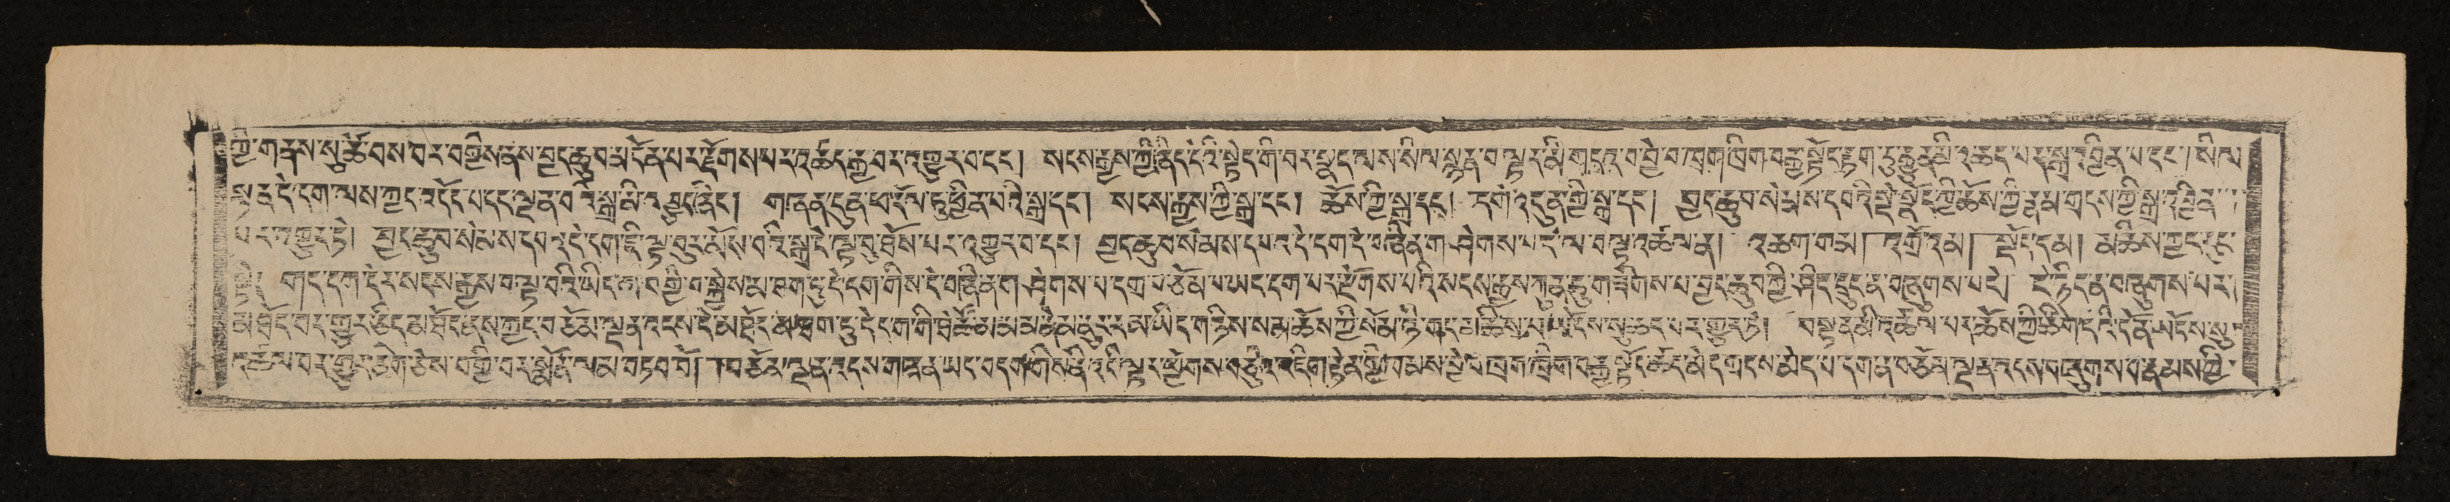གྱི་གནས་སུ་ཚེ་བས་བར་བགྱིས་ནས་བྱང་ཆུབ་མངོན་པར་རྫོགས་པར་འཚང་རྒྱ་བར་འགྱུར་བ་དང་། སངས་རྒྱས་ཀྱི་ཞིང་དེའི་སྟེང་གི་བར་སྣང་ལས་སིལ་སྙན་བ་ལྟར་མི་གདའ་བ་བྱེ་བ་ཁྲག་ཁྲིག་བརྒྱ་སྟོང་རྟག་ཏུ་རྒྱུན་མི་འཆད་པར་སྒྲ་འབྱིན་པ་དང་། སིལ་
སྙན་དེ་དག་ལས་ཀྱང་འདོད་པ་དང་ལྡན་པའི་སྒྲ་མི་འབྱུང་ཞིང་། གཞན་དུ་ན་ཕ་རོལ་ཏུ་ཕྱིན་པའི་སྒྲ་དང་། སངས་རྒྱས་ཀྱི་སྒྲ་དང་། ཆོས་ཀྱི་སྒྲ་དང་། དགེ་འདུན་གྱི་སྒྲ་དང་། བྱང་ཆུབ་སེམས་དཔའི་སྡེ་སྣོད་ཀྱི་ཆོས་ཀྱི་རྣམ་གྲངས་ཀྱི་སྒྲ་འབྱིན་
པར་འགྱུར་ཏེ། བྱང་ཆུབ་སེམས་དཔའ་དེ་དག་ཇི་ལྟ་བུར་མོས་པའི་སྒྲ་དེ་ལྟ་བུ་ཐོས་པར་འགྱུར་བ་དང་། བྱང་ཆུབ་སེམས་དཔའ་དེ་དག་དེ་བཞིན་གཤེགས་པ་དེ་ལ་བལྟ་འཚལ་ན། འཆག་གམ། འགྲོ་འམ། སྡོད་དམ། མཆིས་ཀྱང་རུང་
སྟེ༑ གང་དག་དེར་སངས་རྒྱས་བལྟ་བའི་ཡིད་ལ་བགྱི་བ་སྐྱེས་མ་ཐག་ཏུ་དེ་དག་གིས་དེ་བཞིན་གཤེགས་པ་དགྲ་བཅོམ་པ་ཡང་དག་པར་རྫོགས་པའི་སངས་རྒྱས་ཀུན་ཏུ་གཟིགས་པ་བྱང་ཆུབ་ཀྱི་ཤིང་དྲུང་ན་བཞུགས་པ་དེ། དེ་ཉིད་ན་བཞུགས་པར་
མཐོང་བར་གྱུར་ཅིང་མཐོང་ནས་ཀྱང་བཅོམ་ལྡན་འདས་དེ་མཐོང་མ་ཐག་ཏུ་དེ་དག་གི་ཐེ་ཚོམ་མ་མནེ་མ་ནུར་རམ་ཡིད་གཉིས་སམ་ཆོས་ཀྱི་སོམ་ཉི་གང་མཆིས་པ་ཡོངས་སུ་ཆུད་པར་གྱུར་ཏེ། བསྟན་མི་འཚལ་བར་ཆོས་ཀྱི་ཚིག་དེའི་དོན་ཡོངས་སུ་
འཚལ་བར་གྱུར་ཅིག་ཅེས་བགྱི་བར་སྨོན་ལམ་བཏབ་པོ། །བཅོམ་ལྡན་འདས་གཞན་ཡང་བདག་གིས་ནི་འདི་ལྟར་ཕྱོགས་བཅུའི་འཇིག་རྟེན་གྱི་ཁམས་བྱེ་བ་ཁྲག་ཁྲིག་བརྒྱ་སྟོང་ཚད་མེད་གྲངས་མེད་པ་དག་ན་བཅོམ་ལྡན་འདས་བཞུགས་པ་རྣམས་ཀྱི་